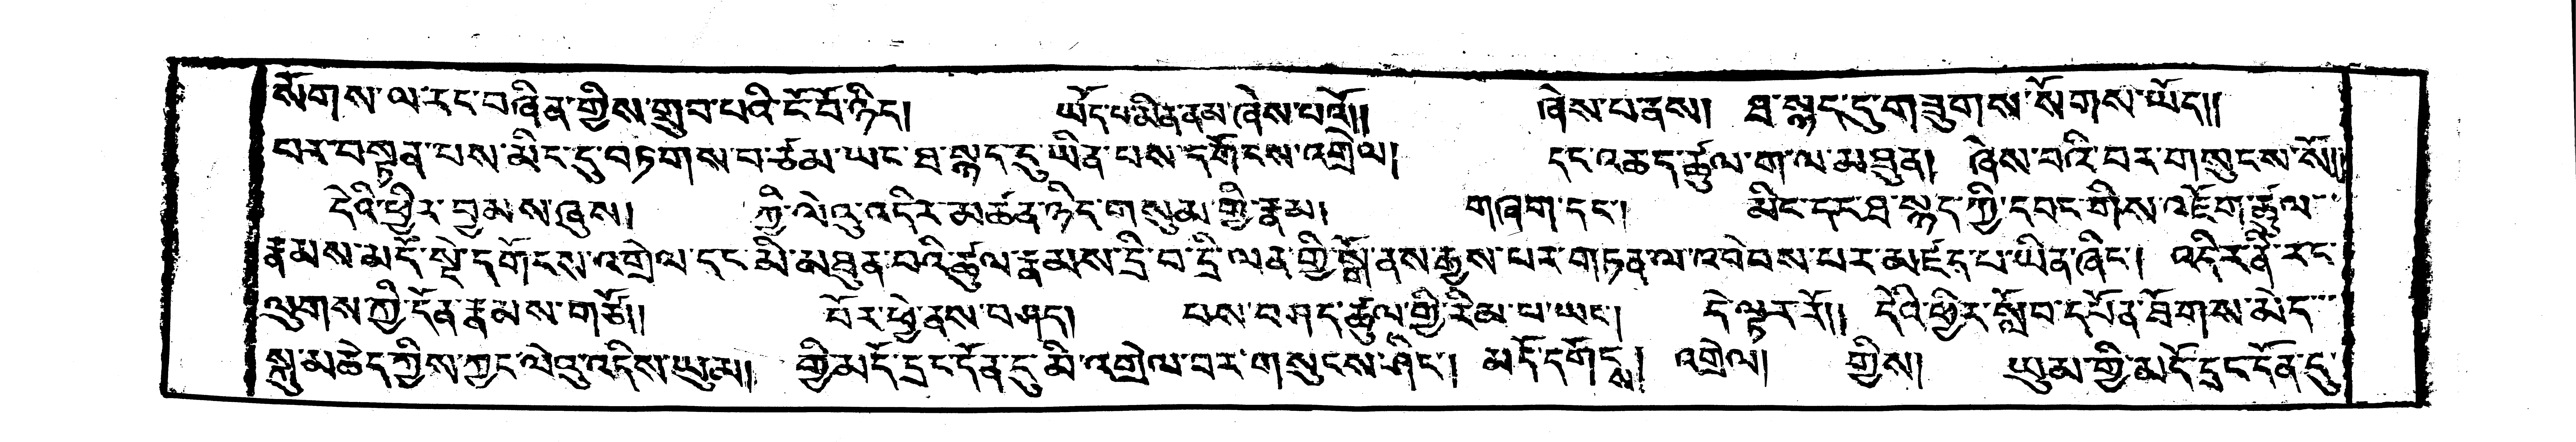སོགས་ལ་རང་བཞིན་གྱིས་གྲུབ་པའི་ངོ་བོ་ཉིད། ཡོད་པ་མིན་ནམ་ཞེས་པའོ། །ཞེས་པ་ནས། ཐ་སྙད་དུ་གཟུགས་སོགས་ཡོད། །
པར་བསྟན་པས་མིང་དུ་བཏགས་པ་ཙམ་ཡང་ཐ་སྙད་དུ་ཡིན་པས་དགོངས་འགྲེལ། དང་འཆད་ཚུལ་ག་ལ་མཐུན། ཞེས་པའི་བར་གསུངས་སོ། །
དེའི་ཕྱིར་བྱམས་ཞུས། ཀྱི་ལེའུ་འདིར་མཚན་ཉིད་གསུམ་གྱི་རྣམ། གཞག་དང་། མིང་དང་ཐ་སྙད་ཀྱི་དབང་གིས་འཇོག་ཚུལ་
རྣམས་མདོ་སྡེ་དགོངས་འགྲེལ་དང་མི་མཐུན་པའི་ཚུལ་རྣམས་དྲི་བ་དྲི་ལན་གྱི་སྒོ་ནས་རྒྱས་པར་གཏན་ལ་འབེབས་པར་མཛད་པ་ཡིན་ཞིང་། འདིར་ནི་རང་
ལུགས་ཀྱི་དོན་རྣམས་གཙོ།། བོར་ཕྱེ་ནས་བཤད། པས་བཤད་ཚུལ་གྱི་རིམ་པ་ཡང་། དེ་ལྟར་རོ། །དེའི་ཕྱིར་སློབ་དཔོན་ཐོགས་མེད་
སྐུ་མཆེད་ཀྱིས་ཀྱང་ལེའུ་འདིས་ཡུམ། གྱི་མདོ་དྲང་དོན་དུ་མི་འགྲེལ་བར་གསུངས་ཤིང་། མདོ་དགོངས། འགྲེལ། གྱིས། ཡུམ་གྱི་མདོ་དྲང་དོན་དུ་